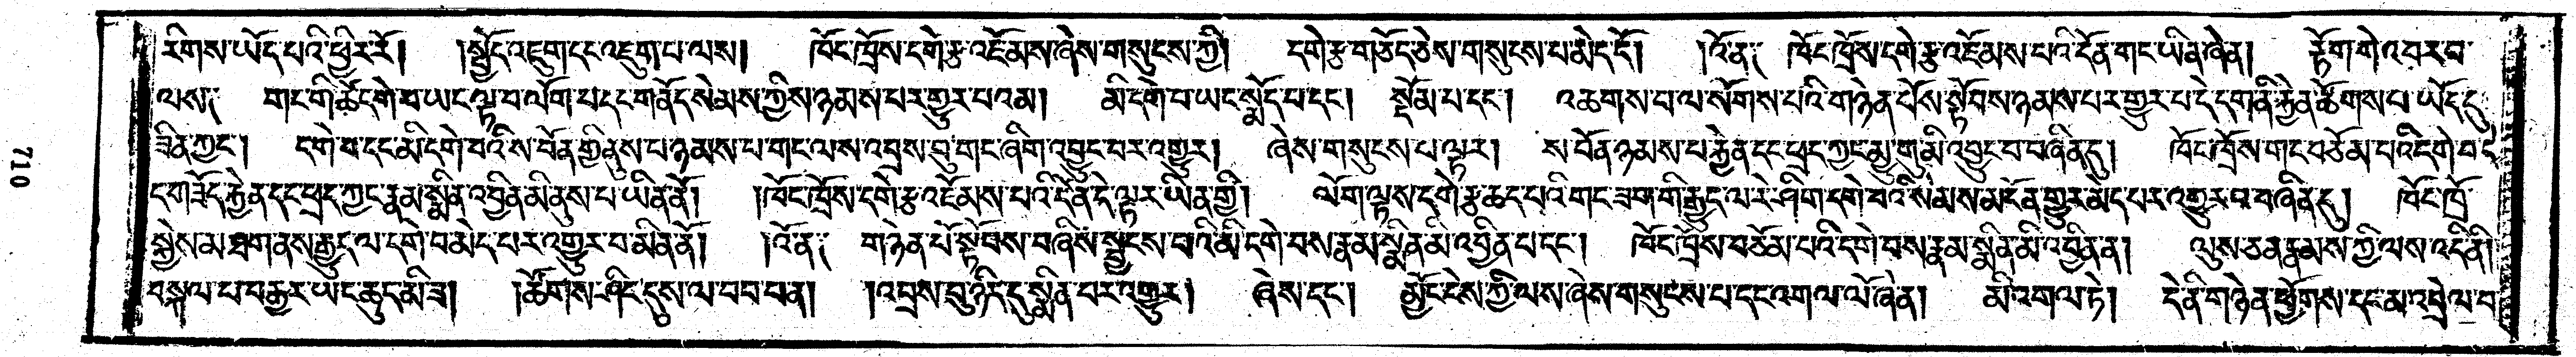རིགས་ཡོད་པའི་ཕྱིར་རོ། །སྦྱོད་འཇུག་དང་འཇུག་པ་ལས། ཁོང་ཁྲོས་དགེ་རྩ་འཇོམས་ཞེས་གསུངས་ཀྱི། དགེ་རྩ་གཅོད་ཅེས་གསུངས་པ་མེད་དོ། །འོ་ན༑ ཁོང་ཁྲོས་དགེ་རྩ་འཇོམས་པའི་དོན་གང་ཡིན་ཞེ་ན། རྟོག་གེ་འབར་བ་
ལས༑ གང་གི་ཚེ་དགེ་བ་ཡང་ལྟ་བ་ལོག་པ་དང་གནོད་སེམས་ཀྱིས་ཉམས་པར་གྱུར་པའམ། མི་དགེ་བ་ཡང་སྨོད་པ་དང་། སྡོམ་པ་དང་། འཆགས་པ་ལ་སོགས་པའི་གཉེན་པོས་སྟོབས་ཉམས་པར་གྱུར་པ་དེ་དག་ནི་རྐྱེན་ཚོགས་པ་ཡོད་དུ་
ཟིན་ཀྱང་། དགེ་བ་དང་མི་དགེ་བའི་ས་བོན་གྱི་ནུས་པ་ཉམས་པ་གང་ལས་འབྲས་བུ་གང་ཞིག་འབྱུང་བར་འགྱུར། ཞེས་གསུངས་པ་ལྟར། ས་བོན་ཉམས་པ་རྐྱེན་དང་ཕྲད་ཀྱང་མྱུ་གུ་མི་འབྱུང་བ་བཞིན་དུ། ཁོང་ཁྲོས་གང་བཅོམ་པའི་དགེ་བ་དེ་
ད་གཟོད་རྐྱེན་དང་ཕྲད་ཀྱང་རྣམ་སྨིན་འབྱིན་མི་ནུས་པ་ཡིན་ནོ། །ཁོང་ཁྲོས་དགེ་རྩ་འཇོམས་པའི་དོན་དེ་ལྟར་ཡིན་གྱི། ལོག་ལྟས་དགེ་རྩ་ཆད་པའི་གང་ཟག་གི་རྒྱུད་ལ་རེ་ཤིག་དགེ་བའི་སེམས་མངོན་གྱུར་མེད་པར་འགྱུར་བ་བཞིན་དུ། ཁོང་ཁྲོ་
སྐྱེས་མ་ཐག་ནས་རྒྱུད་ལ་དགེ་བ་མེད་པར་འགྱུར་བ་མིན་ནོ། །འོ་ན༑ གཉེན་པོ་སྟོབས་བཞིས་སྦྱངས་པའི་མི་དགེ་བས་རྣམ་སྨིན་མི་འབྱིན་པ་དང་། ཁོང་ཁྲོས་བཅོམ་པའི་དགེ་བས་རྣམ་སྨིན་མི་འབྱིན་ན། ལུས་ཅན་རྣམས་ཀྱི་ལས་འདི་ནི།
བསྐལ་པ་བརྒྱར་ཡང་ཆུད་མི་ཟ། །ཚོགས་ཤིང་དུས་ལ་བབ་པ་ན། །འབྲས་བུ་ཉིད་དུ་སྨིན་པར་འགྱུར། ཞེས་དང་། མྱོང་ངེས་ཀྱི་ལས་ཞེས་གསུངས་པ་དང་འགལ་ལོ་ཞེ་ན། མི་འགལ་ཏེ། དེ་ནི་གཉེན་ཕྱོགས་དང་མ་འབྲེལ་བ་